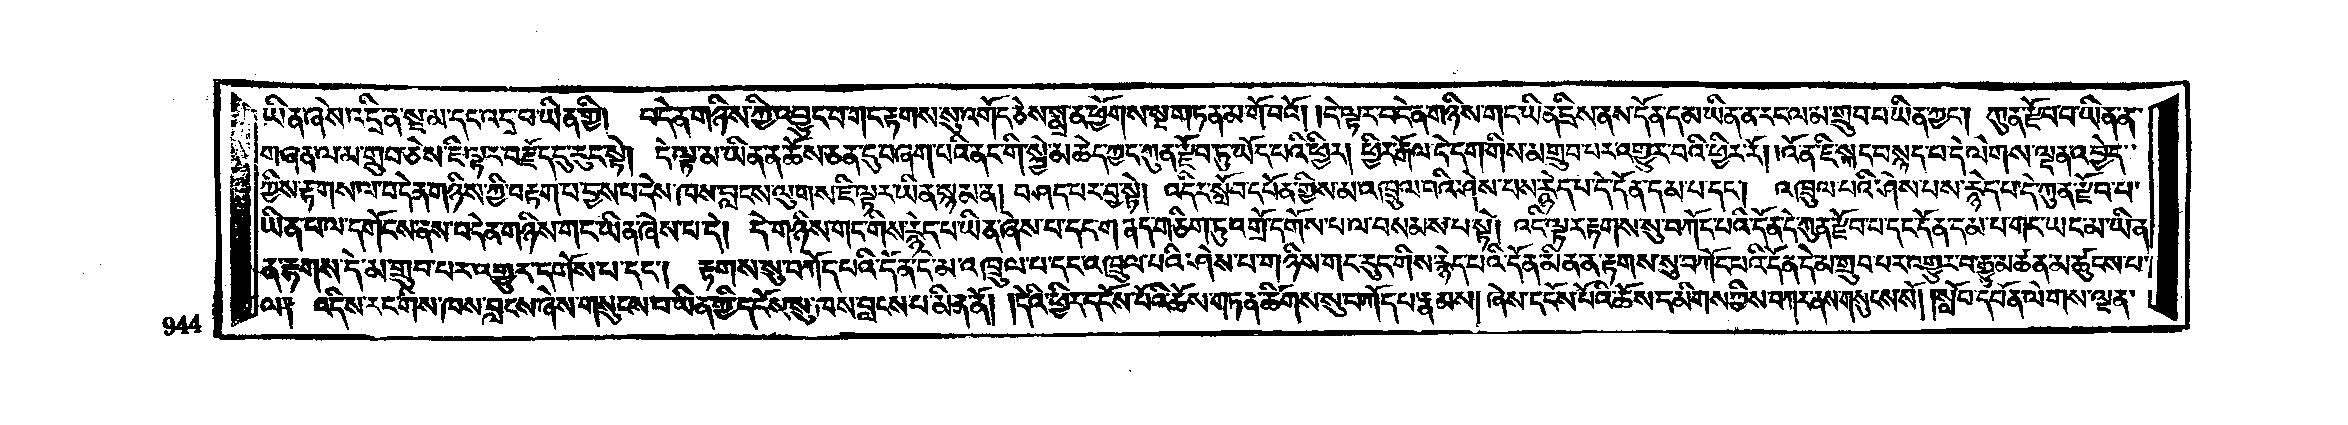ཡིན་ཞེས་འདྲི་ན་སྔ་མ་དང་འདྲ་བ་ཡིན་གྱི། བདེན་གཉིས་ཀྱི་འབྱུང་བ་གང་རྟགས་སུ་འགོད་ཅེས་སྨྲ་ན་ཕྱོགས་སྔ་གཏན་མགོ་བའོ། །དེ་ལྟར་བདེན་གཉིས་གང་ཡིན་དྲིས་ནས་དོན་དམ་ཡིན་ན་རང་ལ་མ་གྲུབ་པ་ཡིན་ཀྱང་། ཀུན་རྫོབ་པ་ཡིན་ན་
གཞན་ལ་མ་གྲུབ་ཅེས་ཇི་ལྟར་བརྗོད་དུ་རུང་སྟེ། དེ་ལྟ་མ་ཡིན་ན་ཆོས་ཅན་དུ་བཞག་པའི་ནང་གི་སྐྱེ་མཆེད་ཀྱང་ཀུན་རྫོབ་ཏུ་ཡོད་པའི་ཕྱིར། ཕྱིར་རྒོལ་དེ་དག་གིས་མ་གྲུབ་པར་འགྱུར་བའི་ཕྱིར་རོ། །འོ་ན་ཇི་སྐད་བསྙད་པ་དེ་ལེགས་ལྡན་འབྱེད་
ཀྱིས་རྟགས་ལ་བདེན་གཉིས་ཀྱི་བརྟག་པ་བྱས་པ་དེས་ཁས་བླངས་ལུགས་ཇི་ལྟར་ཡིན་སྙམ་ན། བཤད་པར་བྱ་སྟེ། འདིར་སློབ་དཔོན་གྱིས་མ་འཁྲུལ་བའི་ཤེས་པས་རྙེད་པ་དེ་དོན་དམ་པ་དང་། འཁྲུལ་བའི་ཤེས་པས་རྙེད་པ་དེ་ཀུན་རྫོབ་པ་
ཡིན་པ་ལ་དགོངས་ནས་བདེན་གཉིས་གང་ཡིན་ཞེས་པ་དེ། དེ་གཉིས་གང་གིས་རྙེད་པ་ཡིན་ཞེས་པ་དང་གནད་གཅིག་ཏུ་འགྲོ་དགོས་པ་ལ་བསམས་པ་སྟེ། འདི་ལྟར་རྟགས་སུ་བཀོད་པའི་དོན་དེ་ཀུན་རྫོབ་པ་དང་དོན་དམ་པ་གང་ཡང་མ་ཡིན་
ན་རྟགས་དེ་མ་གྲུབ་པར་འགྱུར་དགོས་པ་དང་། རྟགས་སུ་བཀོད་པའི་དོན་དེ་མ་འཁྲུལ་བ་དང་འཁྲུལ་བའི་ཤེས་པ་གཉིས་གང་རུང་གིས་རྙེད་པའི་དོན་མིན་ན་རྟགས་སུ་བཀོད་པའི་དོན་དེ་མ་གྲུབ་པར་འགྱུར་བ་རྒྱུ་མཚན་མཚུངས་པ་
ལ༑ འདིས་རང་གིས་ཁས་བླངས་ཞེས་གསུངས་པ་ཡིན་གྱི་དངོས་སུ་ཁས་བླངས་པ་མིན་ནོ། །དེའི་ཕྱིར་དངོས་པོའི་ཆོས་གཏན་ཚིགས་སུ་བཀོད་པ་རྣམས། ཞེས་དངོས་པོའི་ཆོས་དམིགས་ཀྱིས་བཀར་ནས་གསུངས་སོ། །སློབ་དཔོན་ལེགས་ལྡན་